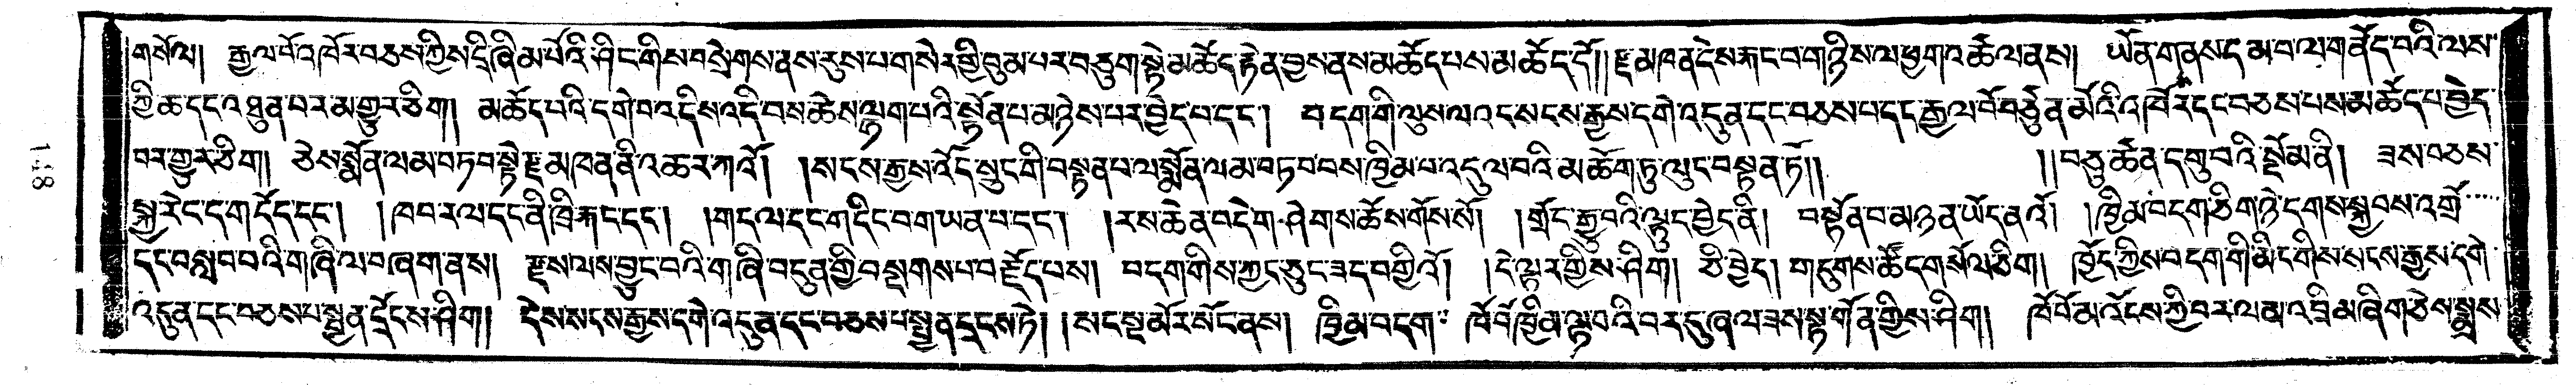གསོལ། རྒྱལ་བོ་འཁོར་བཅས་ཀྱིས་དྲི་ཞིམ་པོའི་ཤིང་གིས་བསྲེགས་ནས་རུས་པ་གསེར་གྱི་བུམ་པར་བཅུག་སྟེ་མཆོད་རྟེན་བྱས་ནས་མཆོད་པས་མཆོད་དོ། །རྫ་མཁན་དེས་རྐང་བ་གཉིས་ལ་ཕྱག་འཚལ་ནས། ཡོན་གནས་དམ་བ་ལ་གནོད་བའི་ལས་
ཀྱི་ཆ་དང་འཐུན་པར་མ་གྱུར་ཅིག། མཆོད་པའི་དགེ་བ་འདིས་འདི་བས་ཆེས་ལྷག་པའི་སྟོན་པ་མཉེས་པར་བྱེད་པ་དང་། བདག་གི་ལུས་ལའང་སངས་རྒྱས་དགེ་འདུན་དང་བཅས་པ་དང་རྒྱལ་བོ་བཙུན་མོའི་འཁོར་དང་བཅས་པས་མཆོད་པ་བྱེད་
བར་གྱུར་ཅིག། ཅེས་སྨོན་ལམ་བཏབ་སྟེ་རྫ་མཁན་ནི་འཆར་ཀའོ། །སངས་རྒྱས་འོད་སྲུང་གི་བསྟན་པ་ལ་སྨོན་ལམ་བཏབ་བས་ཁྱིམ་པ་འདུལ་བའི་མཆོག་ཏུ་ལུང་བསྟན་ཏོ།། །།བཅུ་ཚན་དགུ་བའི་སྡོམ་ནི། ཟས་བཅས་
སྐྱ་རེང་ད་གདོད་དང་། །ཁབ་རལ་དང་ནི་ཁྲི་རྐང་དང་། །གདལ་དང་གདིང་བ་གཡན་པ་དང་། །རས་ཆེན་བདེ་གཤེགས་ཆོས་གོས་སོ། །གྲོང་རྒྱུ་བའི་ལྟུད་བྱེད་ནི། བསྟོན་བ་མཉན་ཡོད་ནའོ། །ཁྱིམ་བདག་ཅིག་ཉེ་དགས་སྐྱབས་འགྲོ་
དང་བསླབ་བའི་གཞི་ལ་བཞག་ནས། རྫས་ལས་བྱུང་བའི་གཞི་བདུན་གྱི་བསྔགས་པ་བརྗོད་པས། བདག་གིས་ཀྱང་ཅུང་ཟད་བགྱིའོ། །དེ་ལྟར་གྱིས་ཤིག། ཅི་བྱེད། གདུགས་ཚོད་གསོལ་ཅིག། ཁྱོད་ཀྱིས་བདག་གི་མིང་གིས་སངས་རྒྱས་དགེ་
འདུན་དང་བཅས་པ་སྤྱན་དྲོངས་ཤིག། དེས་སངས་རྒྱས་དགེ་འདུན་དང་བཅས་པ་སྤྱན་དྲངས་ཏེ། །སང་སྔ་མོར་སོང་ནས། ཁྱིམ་བདག༑ ཁོ་བོ་ཁྱིམ་ལྷ་བའི་བར་དུ་ཞལ་ཟས་སྟ་གོན་གྱིས་ཤིག། ཁོ་བོ་མ་འོངས་ཀྱི་བར་ལམ་འབྲིམ་ཞིག་ཅེས་སྨྲས་